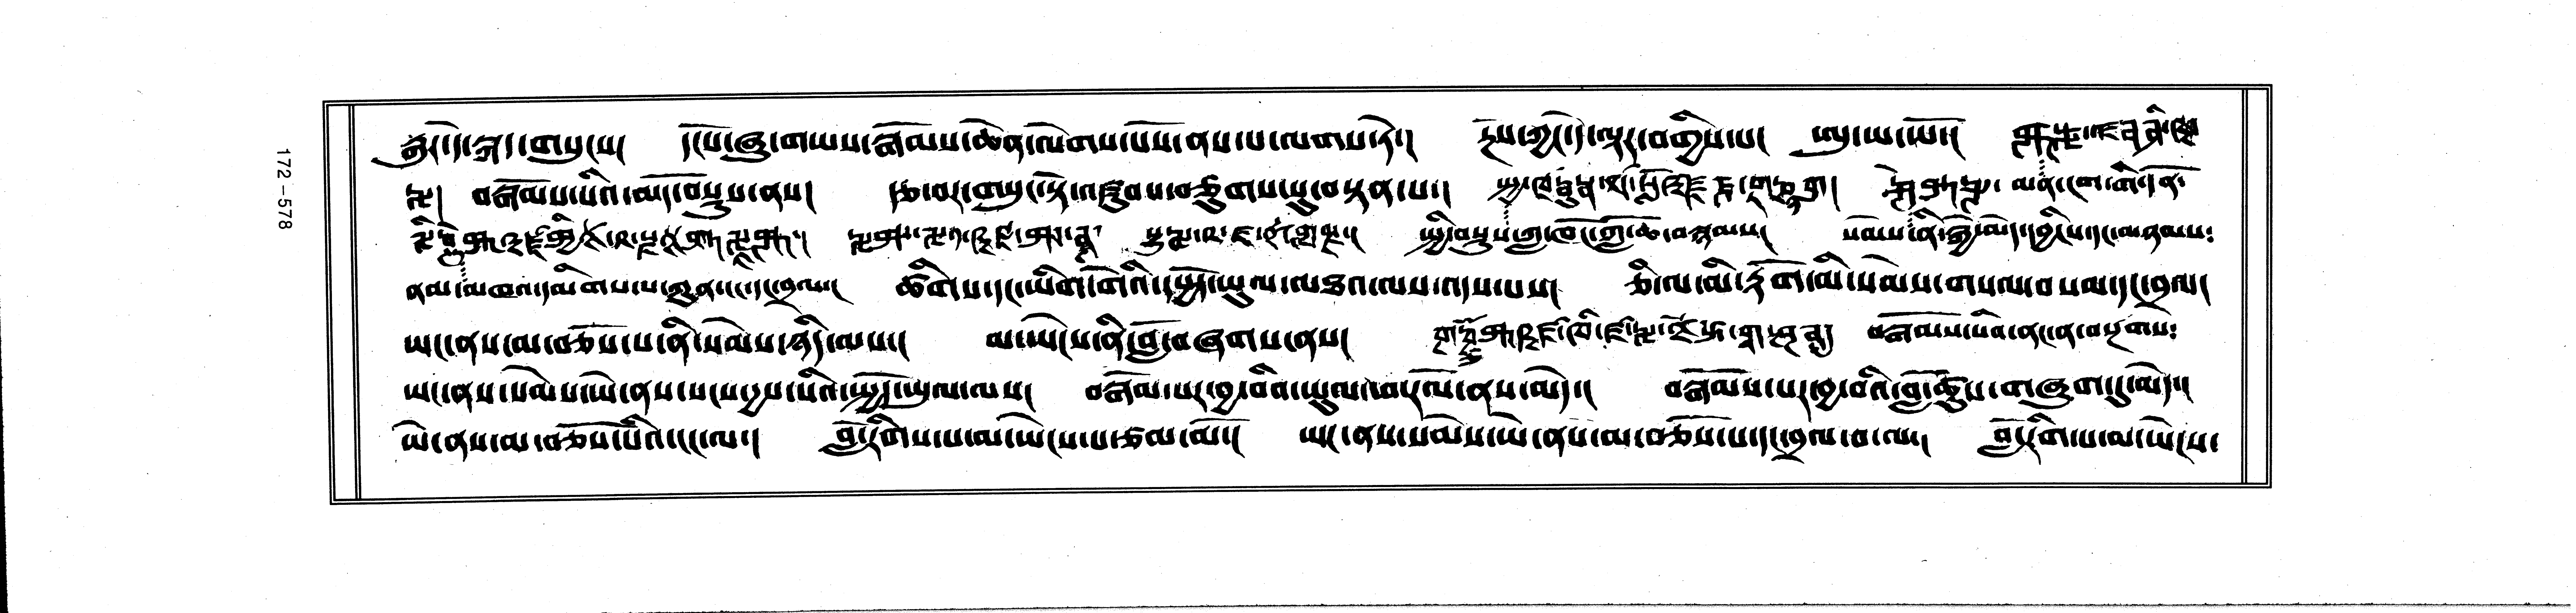རྒུར་དེ་སྐད་གསུངས། དངོས་ཞུ་གཡས་སྒོམས་ཆེན་ལེགས་པོས་ནས་པ་ལགས་ཏེ། སྔོན་ཀྱང་དེ་ལྟར་བགྱིས་པ། ཨུ་ཡ་ཡོ།
 ༼འདིར་གཏེར་ཡིག་ཡོད།༽མན་ངག་གི་དོན།
 ༼འདིར་གཏེར་ཡིག་ཡོད།༽བསྒོམས་པའི་མདོ་བསྡུས་ནས། རྩ་བར་གསུང་སྟེ་འཛུབས་བཙུགས་སུ་བསྟན་པ། སྤྱི་བསྡུས་ཀླང་ཁོང་གློ་ཆོ་བསྙམས། ༼འདིར་གཏེར་ཡིག་ཡོད།༽
སེམས་ནི་སྐྱེ་མེད་དབྱིངས་དང་མཉམ། 
༼འདིར་གཏེར་ཡིག་ཡོད།༽ནམ་མཁའ་དམིགས་པ་ཀུན་ངང་དང་བྲལ། ༼འདིར་གཏེར་ཡིག་ཡོད།༽ཚིག་དང་ཡིག་གེའི་དཔྱོད་ཡུལ་མཐའ་ལས་འདས་པས། ཅི་ལ་མི་རྟོགས་མི་སེམས་གསལ་བསམ་དང་བྲལ། 
ཡང་ནས་མ་བཅོས་པ་ནི་སེམས་ཉིད་ལས། མ་གཡེངས་པ་ནི་བློ་བཞགས་ནས། ༼འདིར་གཏེར་ཡིག་ཡོད།༽བསྒོམས་པའི་ནང་ན་བསྔགས་
ཡང་ནས་སངས་རྒྱས་པའི་སྤྱོད་ཡུལ་ལས། བསྒོམ་པར་བྱ་བའི་ཡུལ་ཕ་རོལ་ནས་མེད། བསྒོམས་པར་བྱ་བའི་བློ་ཚུས་གཞུག་དུ་མེད། 
ཡེ་ནས་མ་བཅོས་པའི་ངང་ལ། བློ་རིག་པ་མ་གཡེངས་པ་ཙམ་མོ། ཡང་ནས་སེམས་ཡེ་ནས་མ་བཅོས་པ་དང་བྲལ་བ་ལ། བློ་རིག་པ་མ་གཡེངས་པ་ཙམ་མོ། ཡངས་ནས་སེམས་ཡེ་ནས་མ་བཅོས་པ་དང་བྲལ་བའི་ལས། བློ་རིག་པ་མ་གཡེང་པ་ཙམ་མོ། ཡང་ན་ཀུན་གཞི་མ་བཅོས་པ་ལ། བློ་རིག་པ་མ་གཡེངས་པ་ཙམ་མོ། ཡང་ན་ཀུན་གཞི་མཚོན་པ་དང་བྲལ་བ་ལ། བློ་རིག་པ་དམིགས་སུ་མེད་པ་ལ་མ་གཡེངས་